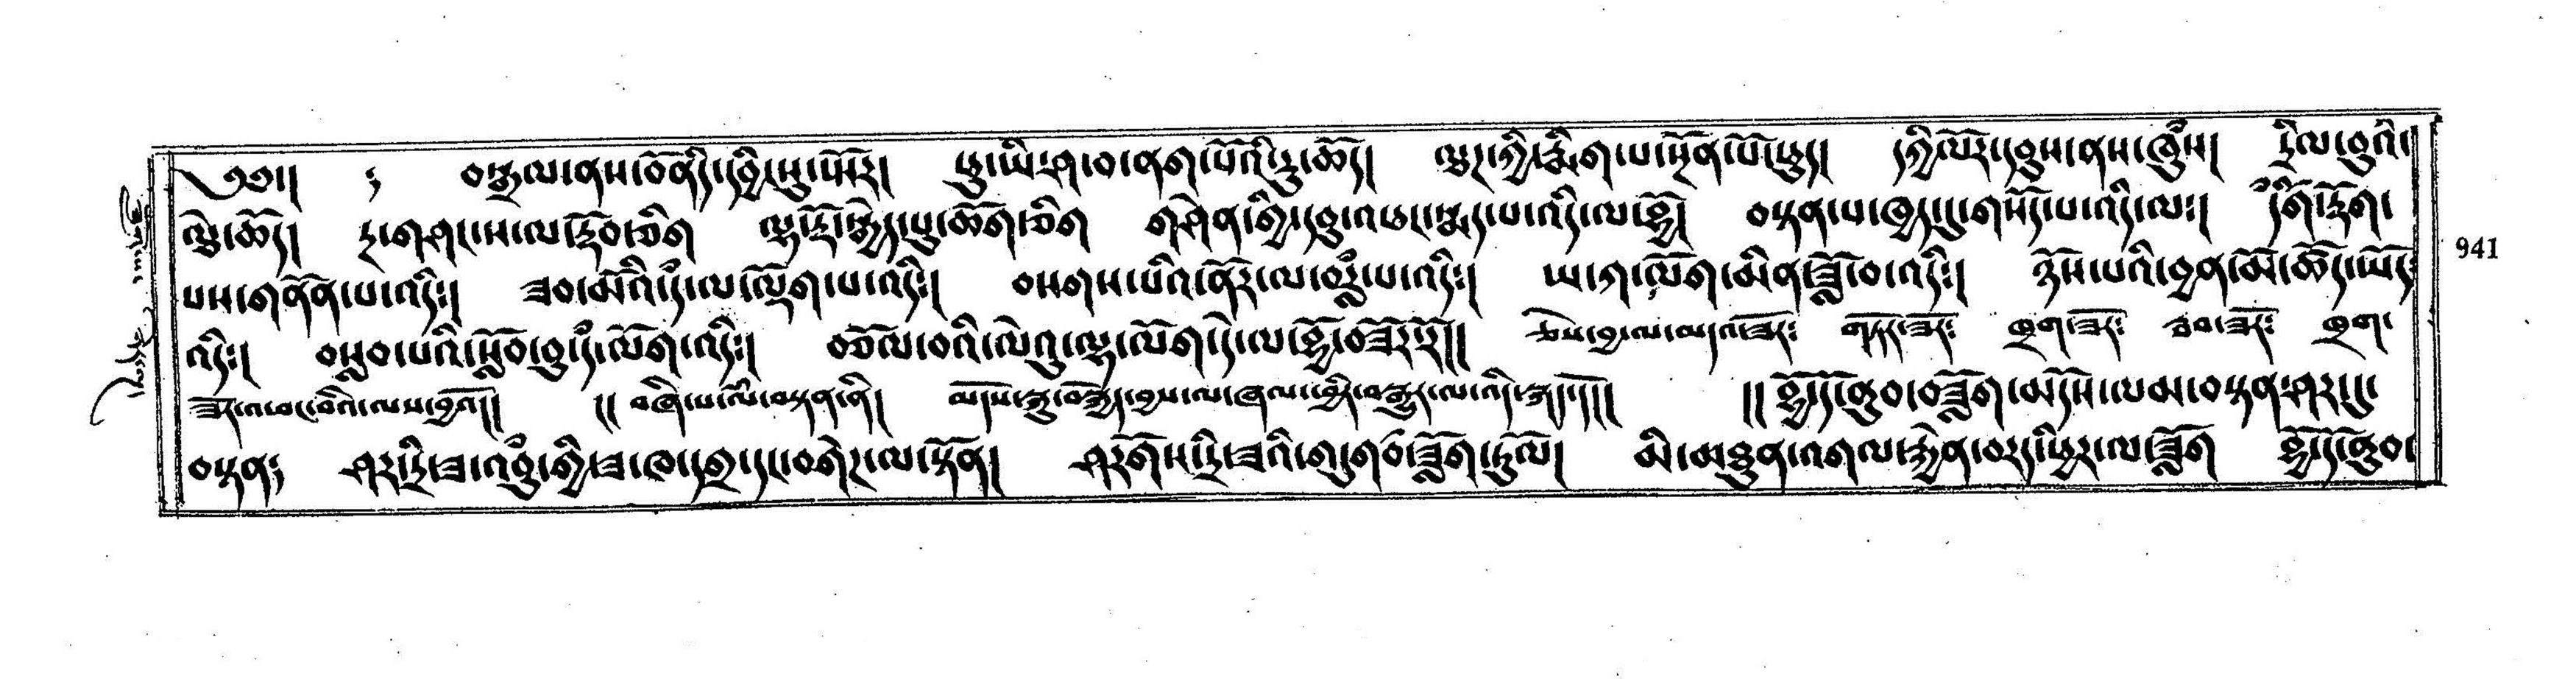བསྒྲལ་ནས་བོན་ཉིད་དབྱིངས་སུ་སྤོར། ཕུ་ཡི་ཤ་བ་ནག་པོའི་རུ་ཆོད། ལྕགས་ཀྱི་རྨིག་པ་སྔོན་པོ་ཕུད། དཀྱིལ་འཁོར་དབུས་ནས་ཁུཾས། དྲིལ་བུའི་
ལྕེ་ཆོད། རྔ་གཤང་ས་ལ་རྡོབ་ཅིག ལྷ་རྡོ་སྒྱེད་པུ་ཆོག་ཅིག གཤེན་གྱི་དབུ་འཕང་སྨད་པ་འདི་ལ་བྷྱོ། བསྟན་པ་ཁྱད་དུ་གསོད་པ་འདི་ལ༴། དམ་ཚིག་རྡོག་
པས་གནོན་པ་འདི༴། ཟབ་མོའི་དམ་ལ་ལྡོག་པ་འདི༴། བསགས་པའི་ནོར་ལ་བརླམ་པ་འདི༴། ཡ་ཀ་ལོག་མིན་ཟློ་བ་འདི༴། ཉོས་པའི་བྱན་མོ་ཚོད་ཡོད་
འདི༴། བསླབ་པའི་སློབ་བུ་དམ་ལོག་འདི༴། བཅོལ་བའི་ལེའུ་ལྷ་ལོག་དེ་ལ་བྷྱོ་བཟོར་རོ།། ཅེས་བྱ་ལ་མདའ་ཟོར༴ གཏོར་ཟོར༴ ཁྲག་ཟོར༴ རྦབ་ཟོར༴ ཁྲག་
ཟོར་འཕང་བའི་ལས་བྱའོ།། །།བཞི་པ་ལམ་བསྟན་ནི། མདོས་སྐུ་བསྐྱོད་བྱས་ལ་ཞལ་ཕྱིར་བསྒྱུར་ལ་འདི་སྐད་དོ།། །།བྷྱོ་དོ་ནུབ་བཟློག་མདོས་ལམ་བསྟན་ཤར་དུ་
བསྟན། ཤར་དྲི་ཟ་འབུམ་གྱི་ཟ་ཁ་དགྲ་དང་བགེགས་ལ་སྟོན། ཤར་ཕྱོགས་དྲི་ཟའི་གདུག་རྩུབ་ཟློག་ཏུ་གསོལ། མི་མཐུན་འགལ་རྐྱེན་བར་ཆད་ཕྱིར་ལ་ཟློག བྷྱོ་དོ་ནུབ་